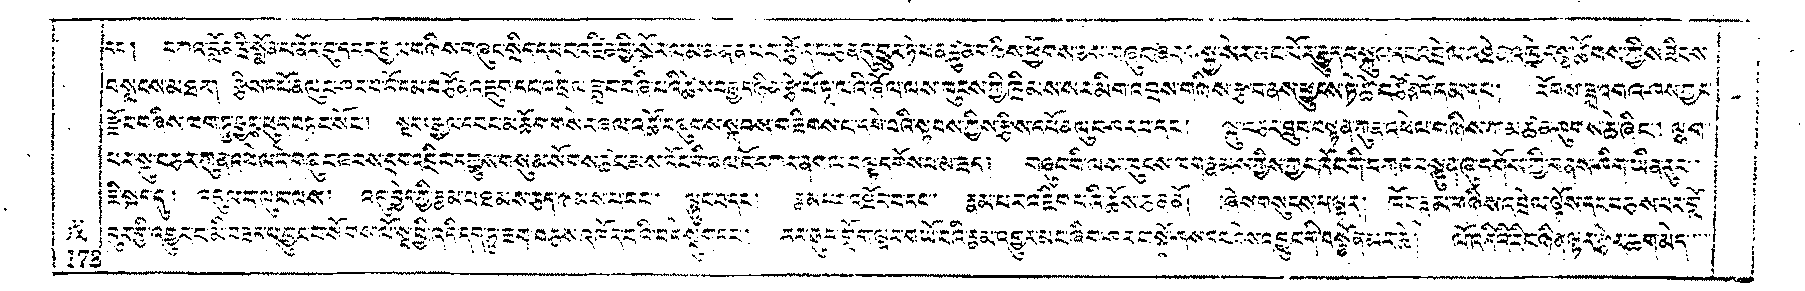དང་། བཀའ་བློན་ཁྲི་སྨོན་པ་ནོར་བུ་དབང་རྒྱལ་གཉིས་གཞུང་སྲིད་དབང་འཛིན་གྱི་སྐོར་ལམ་མནན་པར་རྩོད་པ་ཅན་དུ་གྱུར་ཏེ་ཕན་ཚུན་གཉིས་ཕྱོགས་ནས་གཞུང་ཞབས་སྐྱ་སེར་མང་པོར་རྒྱུད་བསྐུལ་དང་འབྲེལ་འཐེན་འཁྱེར་སྣ་ཚོགས་ཀྱིས་ཟིངས་
བསླངས་མཐར། རྩིས་དཔོན་ལུང་ཤར་བ་དོ་དམ་བཙོན་འཇུག་དང་འབྲེལ་ཟླ་བ་བཞི་པའི་ཚེས་བརྒྱད་ཉིན་རྩེ་པོ་ཏཱ་ལའི་ཞོལ་ལས་ཁུངས་ཀྱི་ཁྲིམས་སར་མིག་འབྲས་གཉིས་རྩ་བ་ནས་ཕྱུངས་ཏེ་ཚེ་བཙོན་དོ་དམ་དང་། རོགས་ཟླ་འགའ་ཤས་ཀྱང་
རྫོང་གཞིས་ཁག་ཏུ་རྒྱངས་ཕུད་བཏང་སོང་། སྔར་༧རྒྱལ་དབང་མཆོག་གསེར་ཞལ་འཚོ་བཞུགས་སྐབས་གཟིགས་པ་དགེ་བའི་སྟབས་ཀྱིས་རྩིས་དཔོན་ལུང་ཤར་བ་དང་། སྐུ་བཅར་ཐུབ་བསྟན་ཀུན་འཕེལ་གཉིས་ཀ་མཚན་ཤུགས་ཆེ་ཞིང་། ལྷག་
པར་སྐུ་བཅར་ཀུན་འཕེལ་དེ་གཞུང་ཞབས་དྲག་འབྲིང་དཀྱུས་གསུམ་སོགས་ཚང་མས་ཁོང་གི་ཞལ་ངོ་དཀར་ནག་ལ་བལྟ་དགོས་པ་མ་ཟད། གཞུང་གི་ལས་ཁུངས་ཁག་རྣམས་ཀྱིས་ཀྱང་ཁོང་གི་བཀའ་བསྟུན་ཞུ་དགོས་ཀྱི་གནས་ཤིག་ཡིན་རུང་།
ཇི་སྐད་དུ། འདུལ་བ་ལུང་ལས། འདུ་བྱེད་ཀྱི་རྣམ་པ་ཐམས་ཅད་ཉམས་པ་དང་། ལྟུང་བ་དང་། རྣམ་པར་འཐོར་བ་དང་། རྣམ་པར་འཇིག་པའི་ཆོས་ཅན་ནོ། །ཞེས་གསུངས་པ་ལྟར། ཁོང་རྣམ་གཉིས་འབྲེལ་ལྟོས་དང་བཅས་པར་གློ་
བུར་གྱི་འགྱུར་བ་མི་བཟད་པ་བྱུང་བ་སོགས་ལོ་སྔ་ཕྱི་འདི་དག་ཏུ་ཟག་བཅས་འཁོར་བའི་བདེ་སྡུག་དང་། དར་རྒུད་གློག་ལྟར་གཡོ་བའི་རྣམ་འགྱུར་མང་ཞིག་ཤར་བ་སྐྱོ་ཤས་དང་ངེས་འབྱུང་གི་བསྣོན་མར་ཆེ། ལོ་འདིའི་རིང་ཉིན་ལྟར་རྩེར་ཆག་མེད་